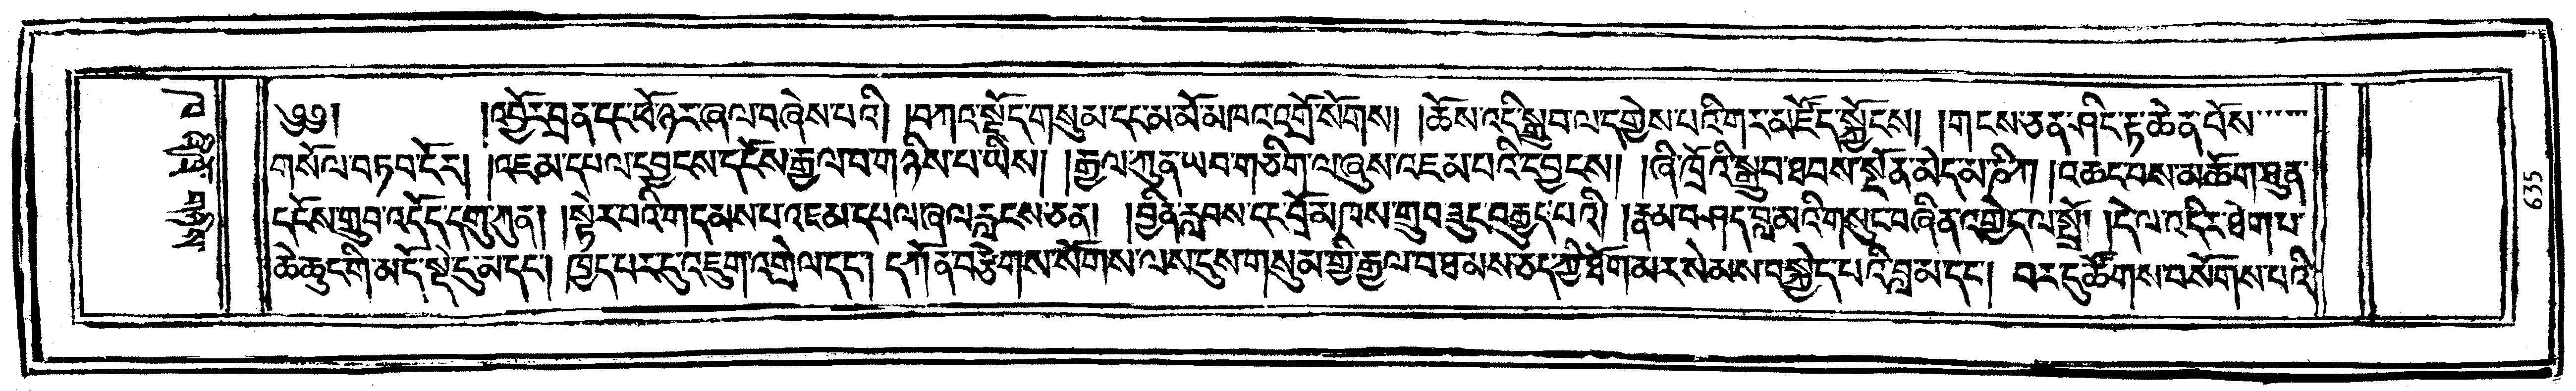༄༅། །འབྱོར་བྲན་དང་ཕོ་ཉར་ཞལ་བཞེས་པའི། །བཀའ་སྡོད་གསུམ་དང་མ་མོ་མཁའ་འགྲོ་སོགས། །ཆོས་འདི་སྒྲུབ་ལ་དགྱེས་པའི་གར་མཛོད་སྐྱོངས། །གངས་ཅན་ཤིང་རྟ་ཆེན་པོས་
གསོལ་བཏབ་ངོར། །འཇམ་དཔལ་དབྱངས་དངོས་རྒྱལ་བ་གཉིས་པ་ཡིས། །རྒྱལ་ཀུན་ཡབ་གཅིག་ལ་ཞུས་འཇམ་པའི་དབྱངས། །ཞི་ཁྲོའི་སྒྲུབ་ཐབས་སྔོན་མེད་མ་ཎི་ཀ །འཆང་བས་མཆོག་ཐུན་
དངོས་གྲུབ་འདོད་དགུ་ཀུན། །སྟེར་བའི་གདམས་པ་འཇམ་དཔལ་ཞལ་རླངས་ཅན། །བྱིན་རླབས་དང་བྲོ་མཁས་གྲུབ་ཟུང་བརྒྱུད་པའི། །རྣམ་བཤད་བླ་མའི་གསུང་བཞིན་འགྱེད་ལ་སྤྲོ། །དེ་ལ་འདིར་ཐེག་པ་
ཆེ་ཆུང་གི་མདོ་སྡེ་དུ་མ་དང་། ཁྱད་པར་དུ་འཇུག་འགྲེལ་དང་། དཀོན་བརྩེགས་སོགས་ལས་དུས་གསུམ་གྱི་རྒྱལ་བ་ཐམས་ཅད་ཀྱི་ཐོག་མར་སེམས་བསྐྱེད་པའི་བླ་མ་དང་། བར་དུ་ཚོགས་བ་སོགས་པའི་